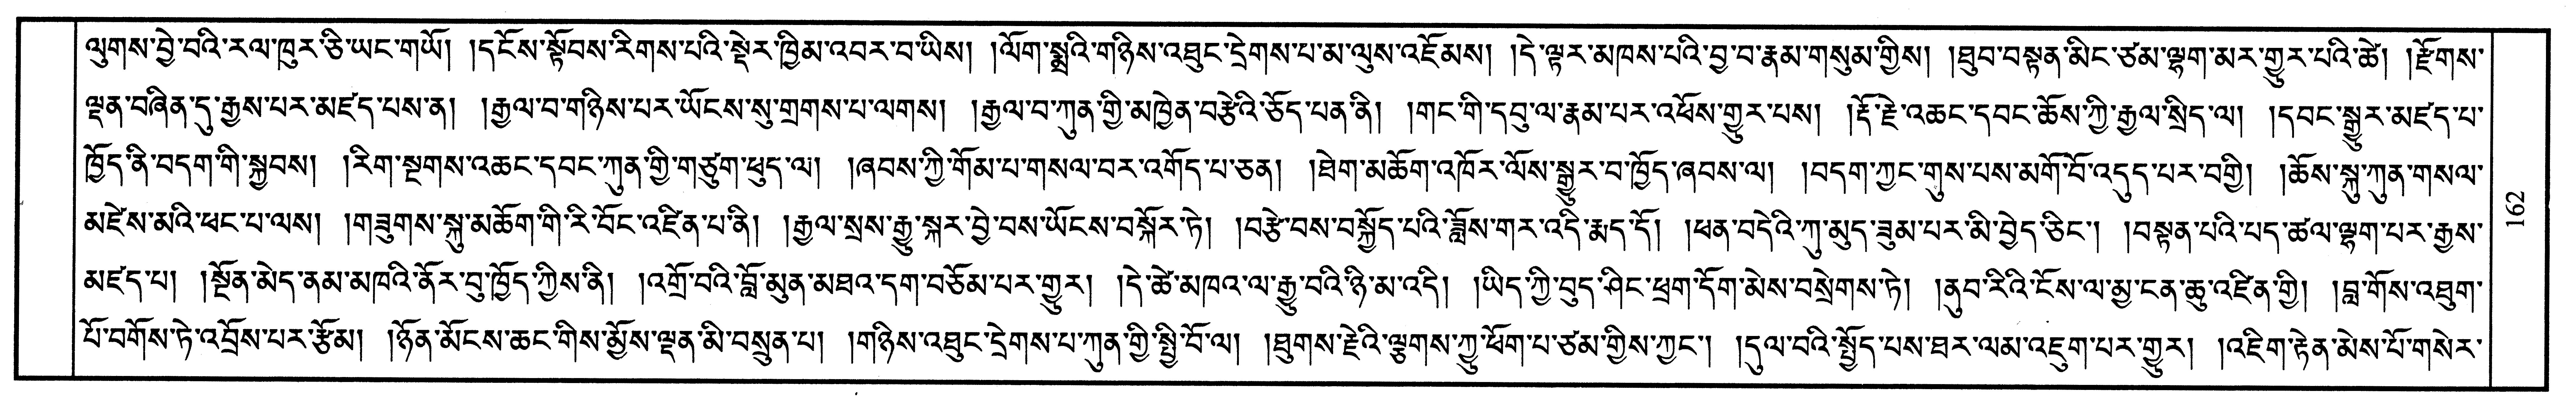ལུགས་བྱེ་བའི་རལ་ཁུར་ཅི་ཡང་གཡོ། །དངོས་སྟོབས་རིགས་པའི་སྡེར་ཁྱིམ་འབར་བ་ཡིས། །ལོག་སྨྲའི་གཉིས་འཐུང་དྲེགས་པ་མ་ལུས་འཇོམས། །དེ་ལྟར་མཁས་པའི་བྱ་བ་རྣམ་གསུམ་གྱིས། །ཐུབ་བསྟན་མིང་ཙམ་ལྷག་མར་གྱུར་པའི་ཚེ། །རྫོགས་
ལྡན་བཞིན་དུ་རྒྱས་པར་མཛད་པས་ན། །རྒྱལ་བ་གཉིས་པར་ཡོངས་སུ་གྲགས་པ་ལགས། །རྒྱལ་བ་ཀུན་གྱི་མཁྱེན་བརྩེའི་ཅོད་པན་ནི། །གང་གི་དབུ་ལ་རྣམ་པར་འཕོས་གྱུར་པས། །རྡོ་རྗེ་འཆང་དབང་ཆོས་ཀྱི་རྒྱལ་སྲིད་ལ། །དབང་སྒྱུར་མཛད་པ་
ཁྱོད་ནི་བདག་གི་སྐྱབས། །རིག་སྔགས་འཆང་དབང་ཀུན་གྱི་གཙུག་ཕུད་ལ། །ཞབས་ཀྱི་གོམ་པ་གསལ་བར་འགོད་པ་ཅན། །ཐེག་མཆོག་འཁོར་ལོས་སྒྱུར་བ་ཁྱོད་ཞབས་ལ། །བདག་ཀྱང་གུས་པས་མགོ་བོ་འདུད་པར་བགྱི། །ཆོས་སྐུ་ཀུན་གསལ་
མཛེས་མའི་ཕང་པ་ལས། །གཟུགས་སྐུ་མཆོག་གི་རི་བོང་འཛིན་པ་ནི། །རྒྱལ་སྲས་རྒྱུ་སྐར་བྱེ་བས་ཡོངས་བསྐོར་ཏེ། །བརྩེ་བས་བསྐྱོད་པའི་ཟློས་གར་འདི་རྨད་དོ། །ཕན་བདེའི་ཀུ་མུད་ཟུམ་པར་མི་བྱེད་ཅིང་། །བསྟན་པའི་པད་ཚལ་ལྷག་པར་རྒྱས་
མཛད་པ། །སྔོན་མེད་ནམ་མཁའི་ནོར་བུ་ཁྱོད་ཀྱིས་ནི། །འགྲོ་བའི་བློ་མུན་མཐའ་དག་བཅོམ་པར་གྱུར། །དེ་ཚེ་མཁའ་ལ་རྒྱུ་བའི་ཉི་མ་འདི། །ཡིད་ཀྱི་བུད་ཤིང་ཕྲག་དོག་མེས་བསྲེགས་ཏེ། །ནུབ་རིའི་ངོས་ལ་མྱ་ངན་ཆུ་འཛིན་གྱི། །བླ་གོས་འཐུག་
པོ་བགོས་ཏེ་འབྲོས་པར་རྩོམ། །ཉོན་མོངས་ཆང་གིས་མྱོས་ལྡན་མི་བསྲུང་པ། །གཉིས་འཐུང་དྲེགས་པ་ཀུན་གྱི་སྤྱི་བོ་ལ། །ཐུགས་རྗེའི་ལྕགས་ཀྱུ་ཕོག་པ་ཙམ་གྱིས་ཀྱང་། །དུལ་བའི་སྤྱོད་པས་ཐར་ལམ་འཇུག་པར་གྱུར། །འཇིག་རྟེན་མེས་པོ་གསེར་